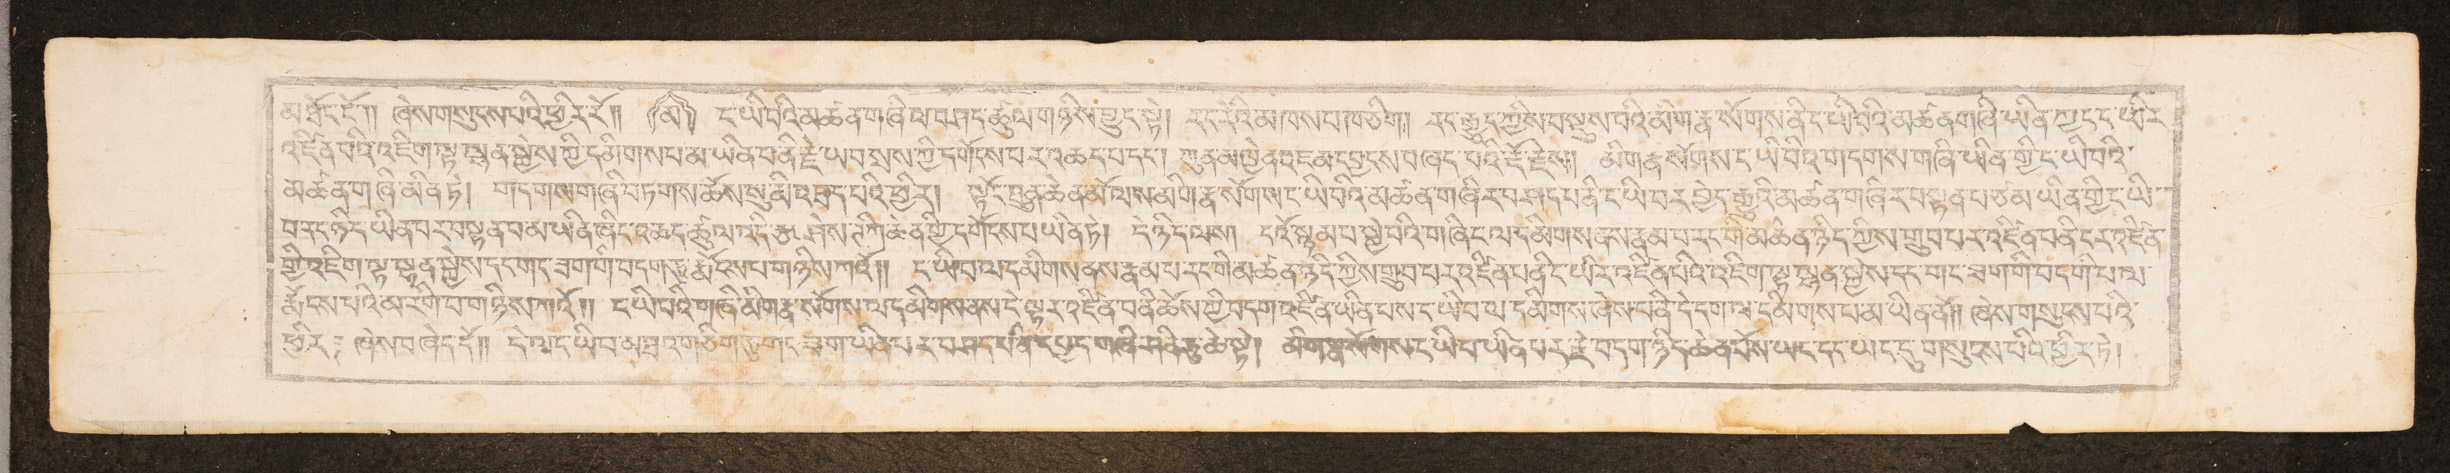མཐོང་ངོ། །ཞེས་གསུངས་པའི་ཕྱིར་རོ། །༼༽མ༼༽ ང་ཡི་བའི་མཚན་གཞི་ལ་བཤད་ཚུལ་གཉིས་བྱུང་སྟེ། རང་རེའི་མཁས་པ་ཁ་ཅིག། རང་རྒྱུད་ཀྱིས་བསྡུས་པའི་མིག་རྣ་སོགས་ནི་ང་ཡི་བའི་མཚན་གཞི་ཡིན་ཀྱང་ང་ཡིར་
འཛིན་པའི་འཇིག་ལྟ་ལྷན་སྐྱེས་ཀྱི་དམིགས་པ་མ་ཡིན་པ་ནི་རྗེ་ཡབ་སྲས་ཀྱི་དགོངས་པར་འཆད་པ་དང་། ཀུན་མཁྱེན་འཇམ་དབྱངས་བཤད་པའི་རྡོ་རྗེས། མིག་རྣ་སོགས་ང་ཡི་བའི་གདགས་གཞི་ཡིན་གྱི་ང་ཡི་བའི་
མཚན་གཞི་མིན་ཏེ། གདགས་གཞི་བཏགས་ཆོས་སུ་མི་འཐད་པའི་ཕྱིར། སྟོང་ཐུན་ཆེན་མོ་ལས་མིག་རྣ་སོགས་ང་ཡི་བའི་མཚན་གཞིར་བཤད་པ་ནི་ང་ཡི་བར་བྱེད་རྒྱུའི་མཚན་གཞིར་བསྟན་པ་ཙམ་ཡིན་གྱི་ང་ཡི་
བ་རང་ཉིད་ཡིན་པར་བསྟན་པ་མ་ཡིན་ཞིང་འཆད་ཚུལ་འདི་རྩ་ཤེས་ཊིཀ་ཆེན་གྱི་དགོངས་པ་ཡིན་ཏེ། དེ་ཉིད་ལས། དའོ་སྙམ་པ་སྐྱེ་བའི་གཞི་ང་ལ་དམིགས་ནས་རྣམ་པ་རང་གི་མཚན་ཉིད་ཀྱིས་གྲུབ་པར་འཛིན་པ་ནི་ངར་འཛིན་
གྱི་འཇིག་ལྟ་ལྷན་སྐྱེས་དང་གང་ཟག་གི་བདག་ཏུ་རྨོངས་པ་གཉིས་ཀའོ། །ང་ཡི་བ་ལ་དམིགས་ནས་རྣམ་པ་རང་གི་མཚན་ཉིད་ཀྱིས་གྲུབ་པར་འཛིན་པ་ནི་ང་ཡིར་འཛིན་པའི་འཇིག་ལྟ་ལྷན་སྐྱེས་དང་གང་ཟག་གི་བདག་པ་ལ་
རྨོངས་པའི་མ་རིག་པ་གཉིས་ཀའོ། །ང་ཡི་བའི་གཞི་མིག་རྣ་སོགས་ལ་དམིགས་ནས་དེ་ལྟར་འཛིན་པ་ནི་ཆོས་ཀྱི་བདག་འཛིན་ཡིན་པས་ང་ཡི་བ་ལ་དམིགས་ཞེས་པ་ནི་དེ་དག་ལ་དམིགས་པ་མ་ཡིན་ནོ། །ཞེས་གསུངས་པའི་
ཕྱིར༑ ཞེས་བཞེད་དོ། །དེ་ལ་ང་ཡི་བ་མཐའ་གཅིག་ཏུ་གང་ཟག་ཡིན་པར་བཤད་པ་ནི་དཔྱད་གཞི་ཤིན་ཏུ་ཆེ་སྟེ། མིག་རྣ་སོགས་ང་ཡི་བ་ཡིན་པར་རྗེ་བདག་ཉིད་ཆེན་པོས་ཡང་དང་ཡང་དུ་གསུངས་པའི་ཕྱིར་ཏེ་